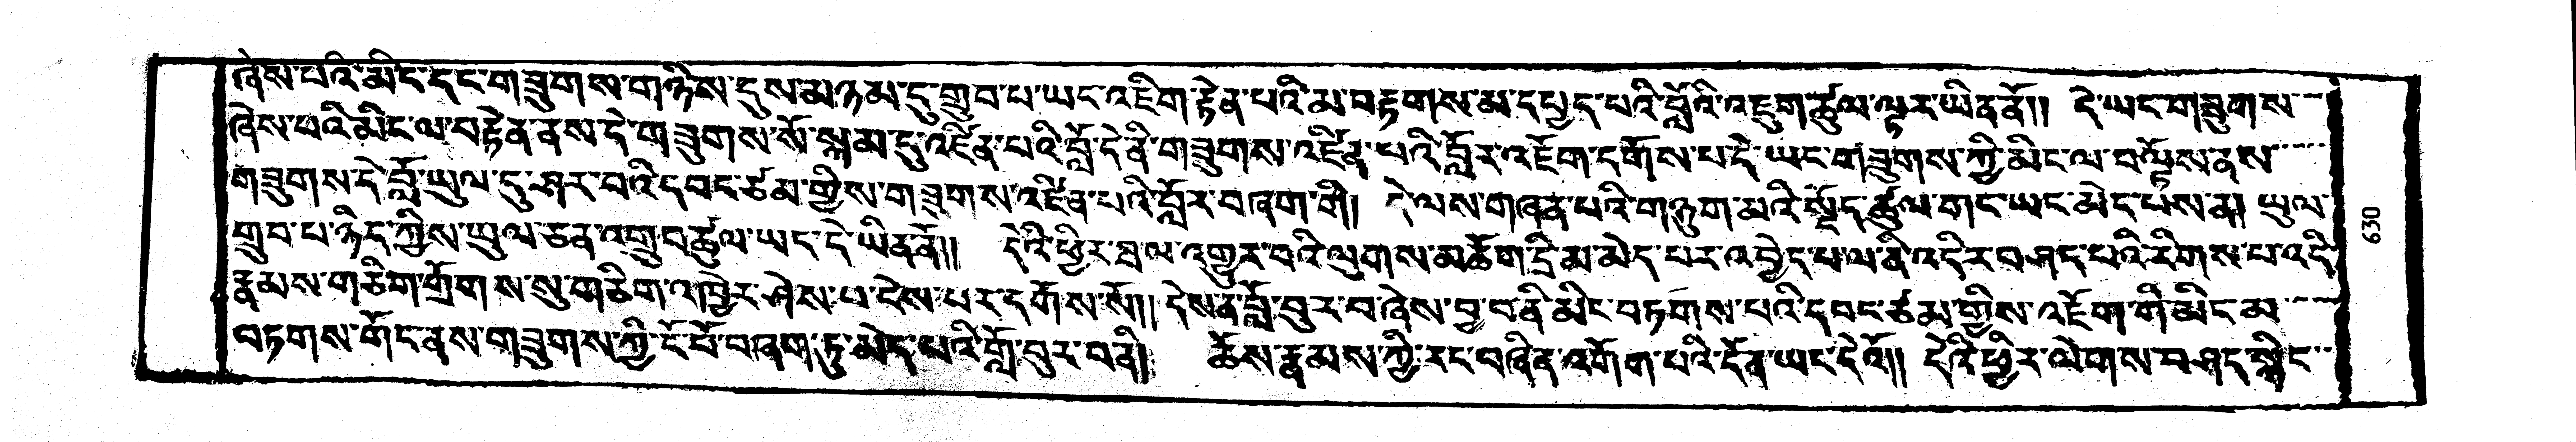ཞེས་པའི་མིང་དང་གཟུགས་གཉིས་དུས་མཉམ་དུ་གྲུབ་པ་ཡང་འཇིག་རྟེན་པའི་མ་བརྟགས་མ་དཔྱད་པའི་བློའི་འཇུག་ཚུལ་ལྟར་ཡིན་ནོ། །དེ་ཡང་གཟུགས་
ཞེས་པའི་མིང་ལ་བརྟེན་ནས་དེ་གཟུགས་སོ་སྙམ་དུ་འཛིན་པའི་བློ་དེ་ནི་གཟུགས་འཛིན་པའི་བློར་འཇོག་དགོས་པ་དེ་ཡང་གཟུགས་ཀྱི་མིང་ལ་བལྟོས་ནས་
གཟུགས་དེ་བློ་ཡུལ་དུ་ཤར་བའི་དབང་ཙམ་གྱིས་གཟུགས་འཛིན་པའི་བློར་བཞག་གི། དེ་ལས་གཞན་པའི་གཉུག་མའི་སྡོད་ཚུལ་གང་ཡང་མེད་པས་ན། ཡུལ་
གྲུབ་པ་ཉིད་ཀྱིས་ཡུལ་ཅན་འགྲུབ་ཚུལ་ཡང་དེ་ཡིན་ནོ།། དེའི་ཕྱིར་ཐལ་འགྱུར་བའི་ལུགས་མཆོག་དྲི་མ་མེད་པར་འབྱེད་པ་ལ་ནི་འདིར་བཤད་པའི་རིགས་པ་འདི་
རྣམས་གཅིག་གྲོགས་སུ་གཅིག་འཁྱེར་ཤེས་པ་ངེས་པར་དགོས་སོ།། དེས་ན་བློ་བུར་བ་ཞེས་བྱ་བ་ནི་མིང་བཏགས་པའི་དབང་ཙམ་གྱིས་འཇོག་གི་མིང་མ་
བཏགས་གོང་ནས་གཟུགས་ཀྱི་ངོ་བོ་བཞག་ཏུ་མེད་པའི་གློ་བུར་བ་ནི། ཆོས་རྣམས་ཀྱི་རང་བཞིན་འགོག་པའི་དོན་ཡང་དེའོ། །དེའི་ཕྱིར་ལེགས་བཤད་སྙིང་